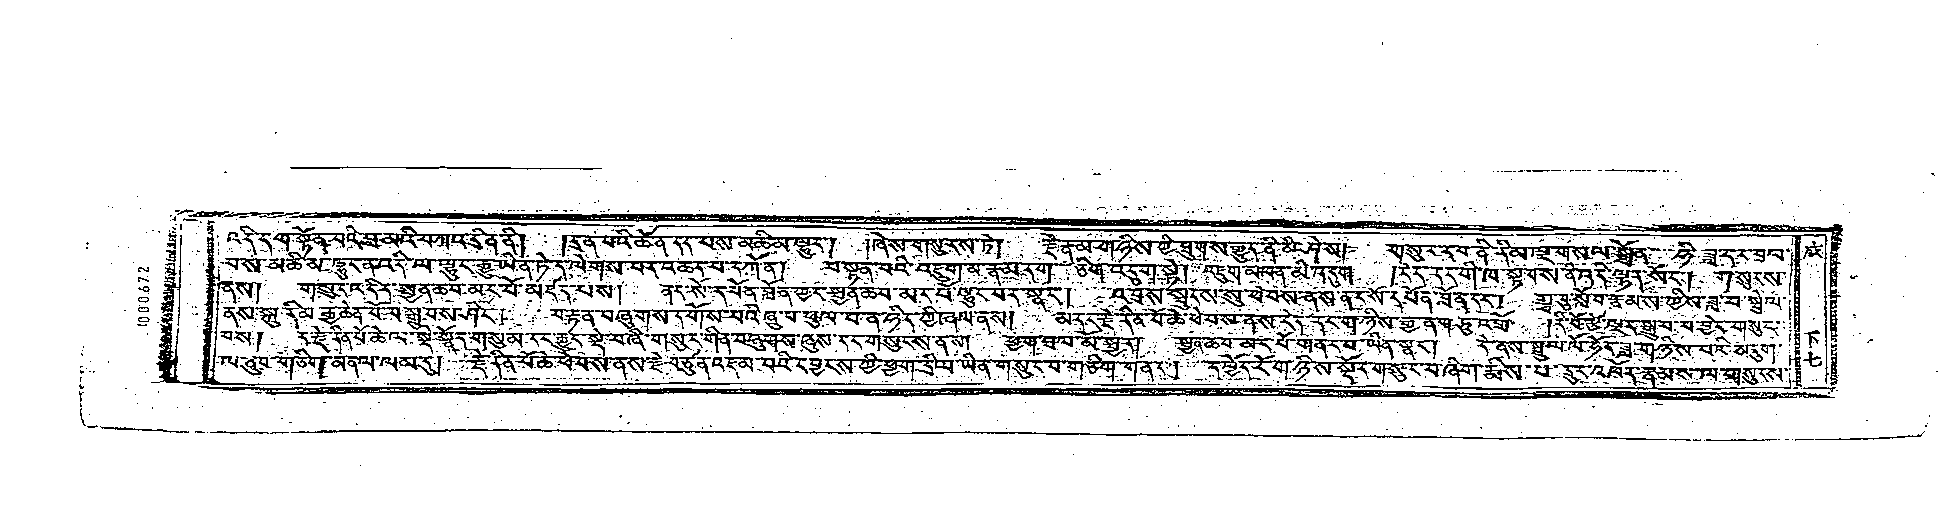འདི་དག་སྟོན་པའི་བླ་མའི་བཀའ་དྲིན་ནི། །དྲན་པའི་ཆོ་ན་དད་པས་མཆིམ་ལྷུང་། །ཞེས་གསུངས་ཏེ། རྗེ་རྣམ་གཉིས་ཀྱི་ཐུགས་རྒྱུད་ནི་མི་ཤེས། གསུང་རབ་ནི་རིམ་ལྔ་གསལ་སྒྲོན་ཉི་ཟླ་དང་བྲལ་
བས་མཆི་མ་ལྷུང་ན་འདི་ལ་ལྷུང་རྒྱུ་ཡིན་ཏེ་ད་ལེགས་པར་འཆད་པ་དཀོན། བསྟན་བའི་འཇུག་མ་རྣམ་དག་ཅིག་འདུག་སྟེ། འཇུག་མཁན་མི་འདུག །དེད་རང་གི་ཁ་སྟབས་ནི་འདི་ལྟར་སོང་། གསུངས་
ནས། གསུང་འདིར་སྤྱན་ཆབ་མང་པོ་མཛད་པས། ནང་སོ་དཔོན་བློན་ཀྱང་སྤྱན་ཆབ་མང་པོ་ལྷུང་བར་སྣང་། འབྲས་སྤུངས་སུ་ཕེབས་ནས་ནང་སོ་དཔོན་བློན་དང་། གྲྭ་བུ་སློབ་རྣམས་ཀྱིས་ཟླ་བ་སྤྲེལ་
ནས་སྐུ་རིམ་རྒྱ་ཆེན་པོ་བསྒྲུབས་ཤིང་། བརྟན་བཞུགས་དགོས་པའི་ཞུ་བ་ཕུལ་བ་ན་ཉིད་ཀྱི་ཞལ་ནས། མདང་རྗེ་རིན་པོ་ཆེ་ཕེབས་ནས་ངེད་རང་གཉིས་རྒྱ་ནག་ཏུ་འགྲོ་།རི་བོ་རྩེ་ལྔར་སྒྲུབ་པ་བྱེད་གསུང་
བས། ང་རྗེ་རིན་པོ་ཆེ་ལ་སྡེ་སྣོད་གསུམ་དང་རྒྱུད་སྡེ་བཞི་གསུང་གིན་བཞུགས་ཞུས་དང་གསུངས་ནས། ཕྱག་ཐལ་མོ་སྦྱར། སྤྱན་ཆབ་མང་པོ་གནང་བ་ཡིན་སྣང་། དེ་ནས་སྦྲུལ་ལོ་ཧོར་ཟླ་གཉིས་པའི་མཇུག་
ལ་ནུབ་གཅིག་མནལ་ལམ་དུ། རྗེ་རིན་པོ་ཆེ་ཕེབས་ནས་རྗེ་བཙུན་འཇམ་པའི་དབྱངས་ཀྱི་ཕྱག་དྲིལ་ཡིན་གསུང་བར་གཅིག་གནང་། ད་ཁྱོད་ངོ་གཉིས་སྡོང་གསུང་བ་ཞིག་རྨིས་པ་དྲུང་འཁོར་རྣམས་ལ་གསུངས་